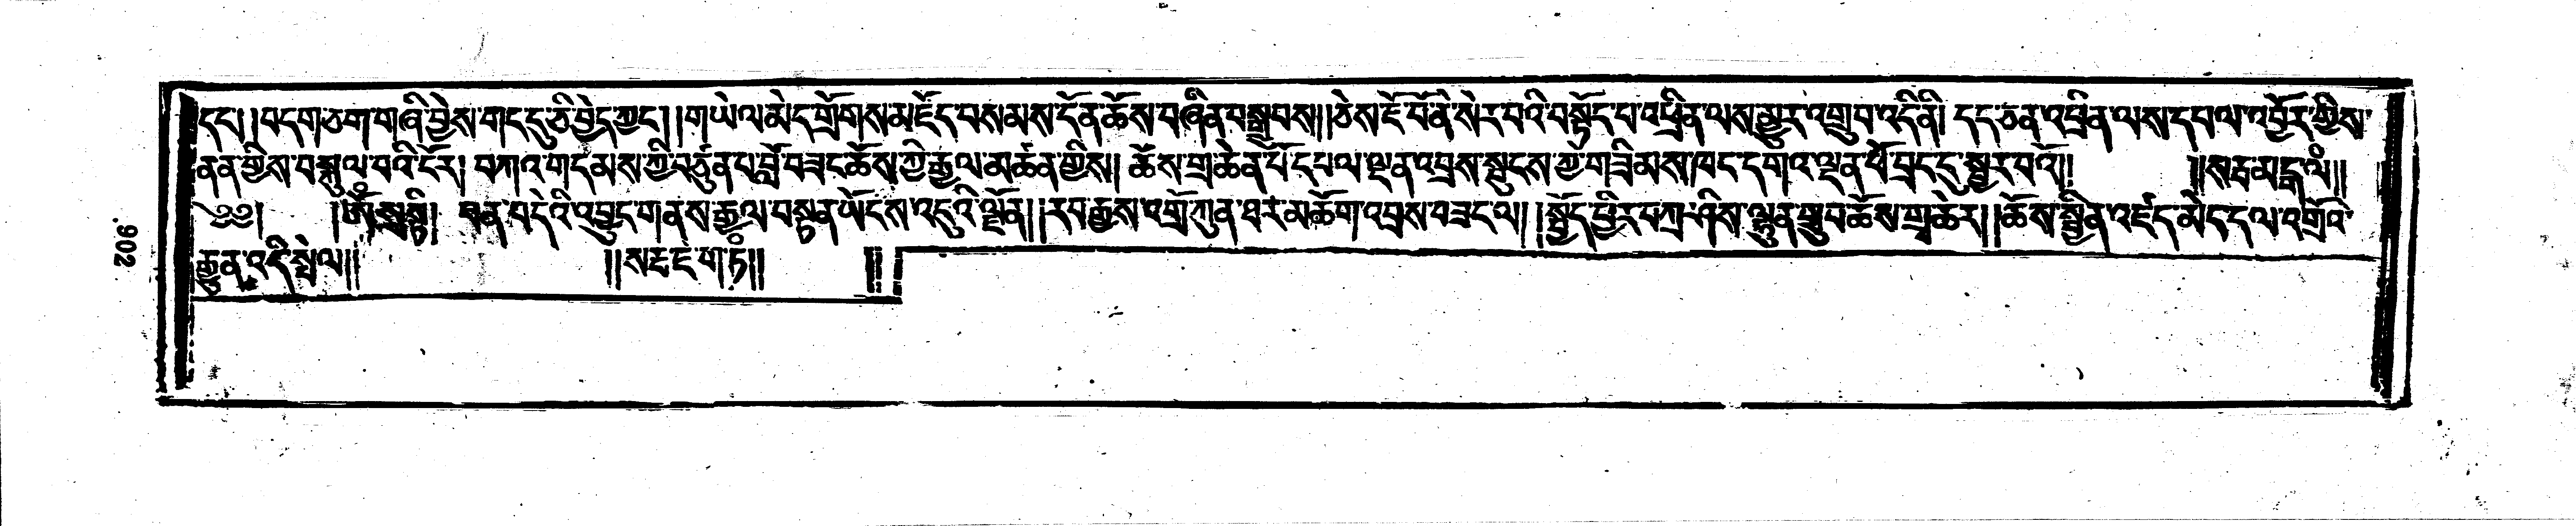དང་། །བདག་ཅག་གཞི་བྱེས་གང་དུ་ཅི་བྱེད་ཀྱང་། །གཡེལ་མེད་གྲོགས་མཛོད་བསམས་དོན་ཆོས་བཞིན་བསྒྲུབས། །ཅེས་ཇོ་བོ་ནེ་སེར་བའི་བསྟོད་པ་འཕྲིན་ལས་མྱུར་འགྲུབ་འདི་ནི། དད་ཅན་འཕྲིན་ལས་དཔལ་འབྱོར་གྱིས་
ནན་གྱིས་བསྐུལ་བའི་ངོར། བཀའ་གདམས་ཀྱི་བཙུན་པ་བློ་བཟང་ཆོས་ཀྱི་རྒྱལ་མཚན་གྱིས། ཆོས་གྲྭ་ཆེན་པོ་དཔལ་ལྡན་འབྲས་སྤུངས་ཀྱི་གཟིམས་ཁང་དགའ་ལྡན་ཕོ་བྲང་དུ་སྦྱར་བའོ།། །།སརྦ་མངྒ་ལཾ།། །།
༄༅། །ཨོཾ་སྭསྟི། ཕན་བདེའི་འབྱུང་གནས་རྒྱལ་བསྟན་ཡོངས་འདུའི་ལྗོན། །རབ་རྒྱས་འགྲོ་ཀུན་ཐར་མཆོག་འབྲས་བཟང་ལ། །སྤྱོད་ཕྱིར་བཀྲ་ཤིས་ལྷུན་གྲུབ་ཆོས་གྲྭ་ཆེར། །ཆོས་སྦྱིན་འཛད་མེད་ལྐྡལ་འགྲོའི་
རྒྱུན་འདི་སྤེལ།། །།སརྦ་ཛ་ག་ཏཾ།། །།